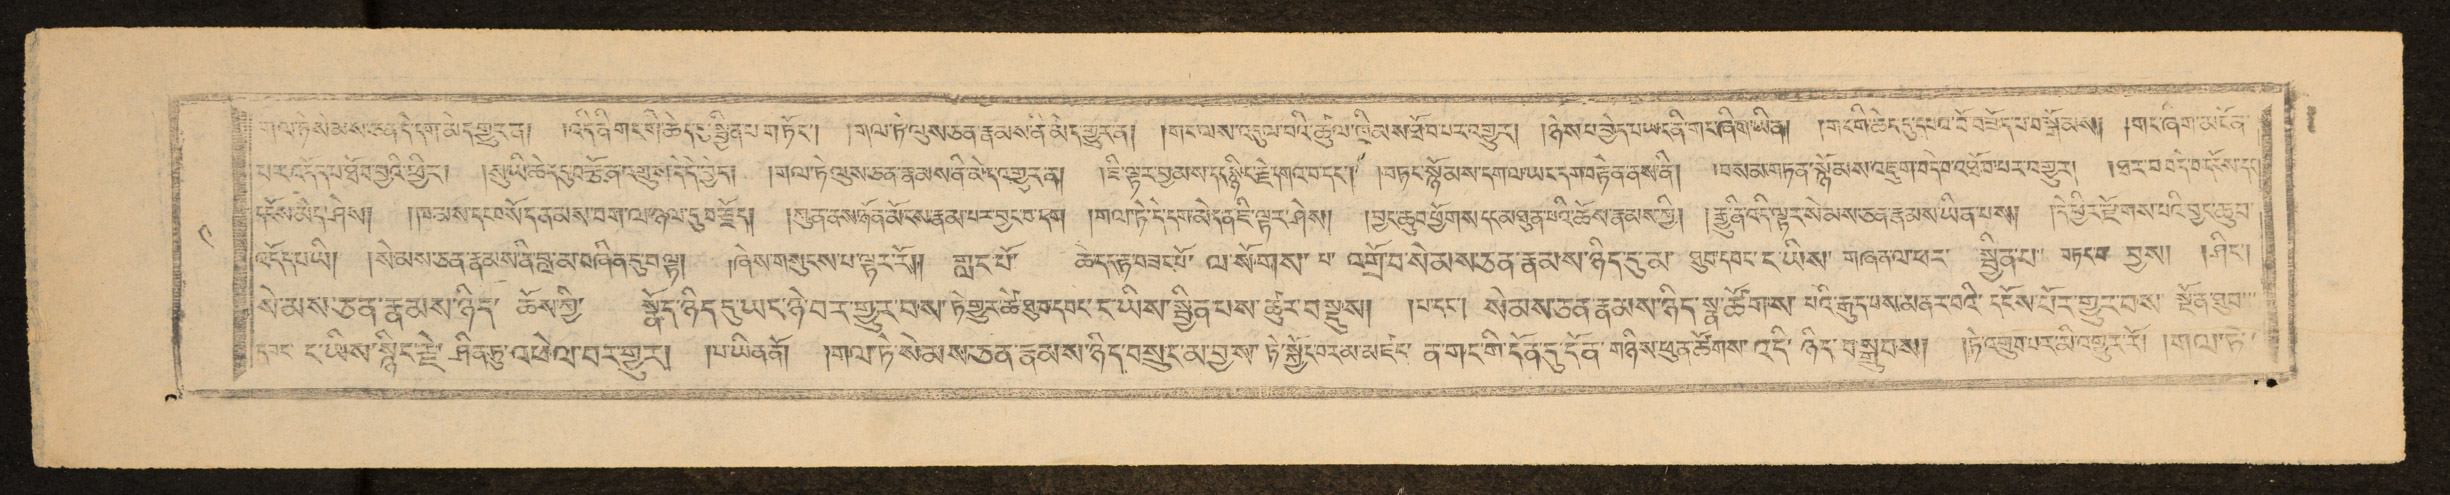གལ་ཏེ་སེམས་ཅན་དེ་དག་མེད་གྱུར་ན། །འདི་ནི་གང་གི་ཆེད་དུ་སྦྱིན་པ་གཏོང་། །གལ་ཏེ་ལུས་ཅན་རྣམས་ནི་མེད་གྱུར་ན། །གང་
ལས་འདུལ་བའི་ཚུལ་ཁྲིམས་ཐོབ་པར་འགྱུར། ཉེས་པ་བྱེད་པ་ཡང་ནི་གང་ཞིག་ཡིན། །གང་གི་ཆེད་དུ་དཔའ་བོ་བཟོད་པ་བསྒོམས། །གང་ཞིག་མངོན་
པར་འདོད་པ་ཐོབ་བྱའི་ཕྱིར། །སུ་ཡི་ཆེད་དུ་བརྩོན་འགྲུས་དེ་དེ་བྱེད། །གལ་ཏེ་ལུས་ཅན་རྣམས་ནི་མེད་འགྱུར་ན། །ཇི་ལྟར་བྱམས་དང་སྙིང་རྗེ་དགའ་བ་དང་། །བཏང་སྙོམས་དག་ལ་ཡང་དག་བརྟེན་ནས་ནི། །བསམ་གཏན་སྙོམས་འཇུག་བདེ་བ་འཐོབ་པར་འགྱུར། །ཐར་བ་བདེ་བ་དངོས་དང་།
དངོས་མེད་ཤེས། །ཁམས་དང་བསོད་ནམས་བག་ལ་ཉལ་དུ་བརྗོད། །ཀུན་ནས་ཉོན་མོངས་རྣམ་པར་བྱང་བ་དག །གལ་ཏེ་དེ་དག་མེད་ན་ཇི་ལྟར་ཤེས། །བྱང་ཆུབ་ཕྱོགས་དང་མཐུན་པའི་ཆོས་རྣམས་ཀྱི། །རྒྱུ་ནི་འདི་ལྟར་སེམས་ཅན་རྣམས་ཡིན་པས། །དེ་ཕྱིར་རྫོགས་པའི་བྱང་ཆུབ་
འདོད་པ་ཡི། །སེམས་ཅན་རྣམས་ནི་བླ་མ་བཞིན་དུ་བལྟ། །ཞེས་གསུངས་པ་ལྟར་རོ།། གླང་པོ་ཆེ་དང་རྟ་བཟང་པོ་ལ་སོགས་པ་འགྲོ་བ་སེམས་ཅན་རྣམས་ཉིད་དུ་མ་ཐུབ་དབང་ང་ཡིས་གཞན་ལ་ཕར་སྦྱིན་པ་བཏང་བ་བྱས། །ཤིང་།
སེམས་ཅན་རྣམས་ཉིད་ཆོས་ཀྱི་སྣོད་ཉིད་དུ་ཡང་ཉེ་བར་གྱུར་བས་ཏེ་གྱུར་ཚེ་ཐུབ་དབང་ང་ཡིས་སྦྱིན་པས་ཚུར་བསྡུས། །པ་དང་། སེམས་ཅན་རྣམས་ཉིད་སྣ་ཚོགས་པའི་རྒུད་བས་མནར་བའི་དངོས་པོར་གྱུར་བས་སྔོན་ཐུབ་
དབང་ང་ཡིས་སྙིང་རྗེ་ཤིན་ཏུ་འཕེལ་བར་གྱུར། །པ་ཡིན་ནོ། །གལ་ཏེ་སེམས་ཅན་རྣམས་ཉིད་བསྲུང་མ་བྱས་ཏེ་སྐྱོང་བར་མ་མཛད་ན་གང་གི་དོན་དུ་དོན་གཉིས་ཕུན་ཚོགས་འདི་ཉིད་བསྒྲུབས། །ཏེ་འགྲུབ་པར་མི་འགྱུར་རོ། །གལ་ཏེ་